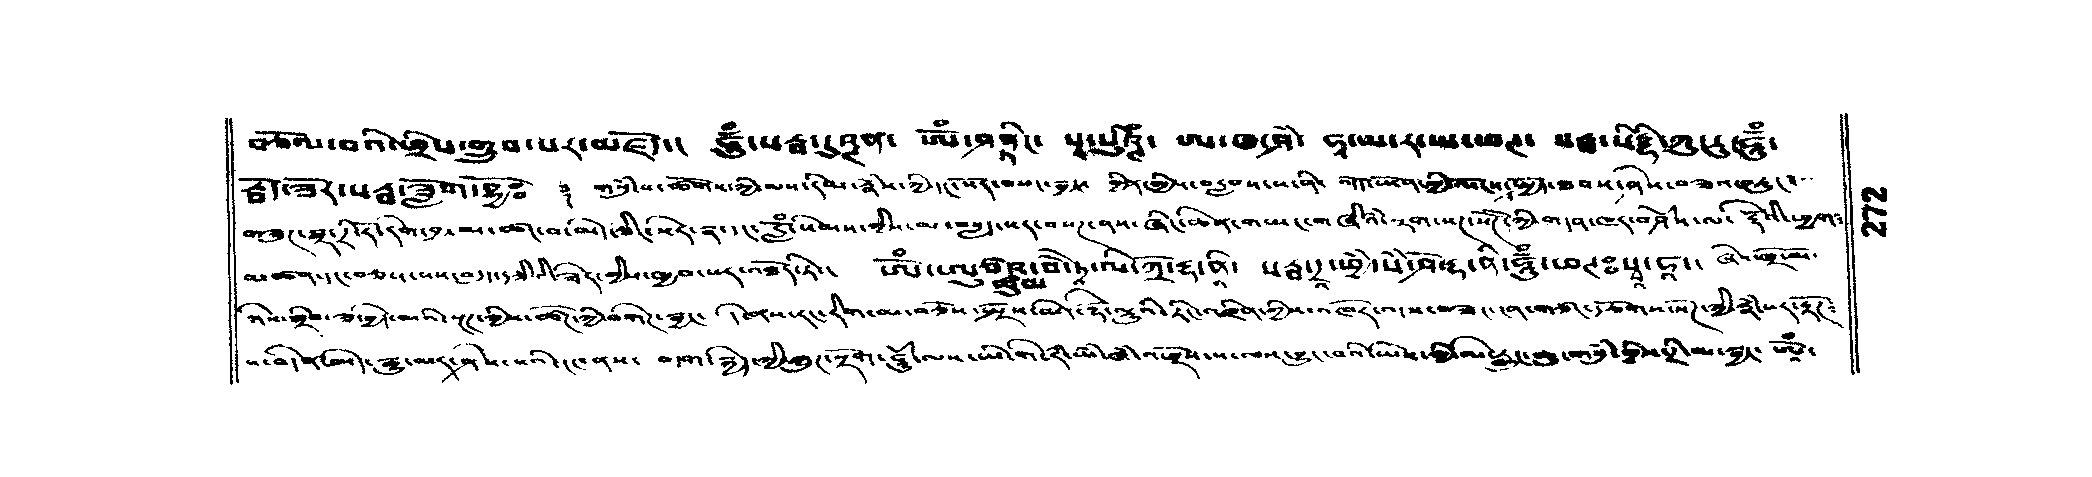བཅོལ་བའི་ཕྲིན་ལས་གྲུབ་པར་མཛོད། །ཧཱུྃ་སརྦ་དུཥྚན། ཨོཾ་ཤནྟིང་། སྭ་པུཥྚིཾ། ཨ་ཝ་ཤཾ། ཧཱ་མ་ར་ཡ་ཕཊ། སརྦ་སིདྡྷི་ཀུ་རུ་ཧཱུྃ། 
རྦོད་ཟོར་སརྦ་ཟློག་བྷྱོཿ ༈ གསུམ་པ་ཚོགས་ཀྱི་ལས་རིམ་རྣམས་ཀྱི་དང་པོར་བསང་སྦྱང་། བྱིན་གྱིས་བརླབ་པ་ནི། འདོད་ཡོན་གྱི་ལོངས་སྤྱོད་ཐབས་ཤེས་བཟའ་བཏུང་
གཟུགས་སྒྲ་དྲི་རོ་རེག་བྱ་མ་ཚང་བ་མེད་ཅིང་སེར་སྣ་དང་རློམ་སེམས་ཀྱིས་མ་བསླད་པར་བསགས་ནས་ཞིང་ཆེན་གཡང་གཞིའི་སྟག་པགས་སོགས་ཀྱི་གདན་ཁར་བཤམས་ལ། རྡོ་རྗེའི་ཕྱག་
མཚན་དང་བཅས་པས་བདུད་རྩིའི་ཟེར་གྱིས་ཁྱབ་པར་འཐོར་ཏེ། ཨོཾ་ཨུ་ཙྪ་ཥྨ་བཻ་ཏཱ་ལི་ཀྲོ་དྷ་ནི། སརྦ་དྲཱ་ཕྱཾ་པཾ་ཤོ་དྷ་ནི་ཧཱུྃ་ཕཊཿསྭཱ་ཧཱ། ཞེས་ཁྲོ་མོ་
ཉེས་སྒྲིབ་ཟ་བྱེད་མའི་སྔགས་ཀྱིས་བགེགས་སྦྱང་། དེ་ནས་རང་རིག་མ་བཅོས་སྤྲོས་མེད་རྡོ་རྗེ་ལྟ་བུའི་ཏིང་འཛིན་གྱིས་འཁོར་འདས་བཟང་ངན་གཙང་རྩོགས་སོགས་ཀྱི་རྣམ་པར་རྟོག་
པ་བདེན་མེད་སྒྱུ་མར་ཤེས་པའི་ངང་ནས། བདག་བསྐྱེད་ཀྱི་ཐུགས་སྲོག་ཧཱུྃ་ལས་ཡི་གེ་རྃ་ཡྃ་ཁྃ་འཕྲོས་པ་ལས་བྱུང་བའི་ཡེ་ཤེས་ཀྱི་མེ་རླུང་ཆུ་གསུམ་གྱིས་དྲི་མ་སྦྱང་། ཨཱོཾ་